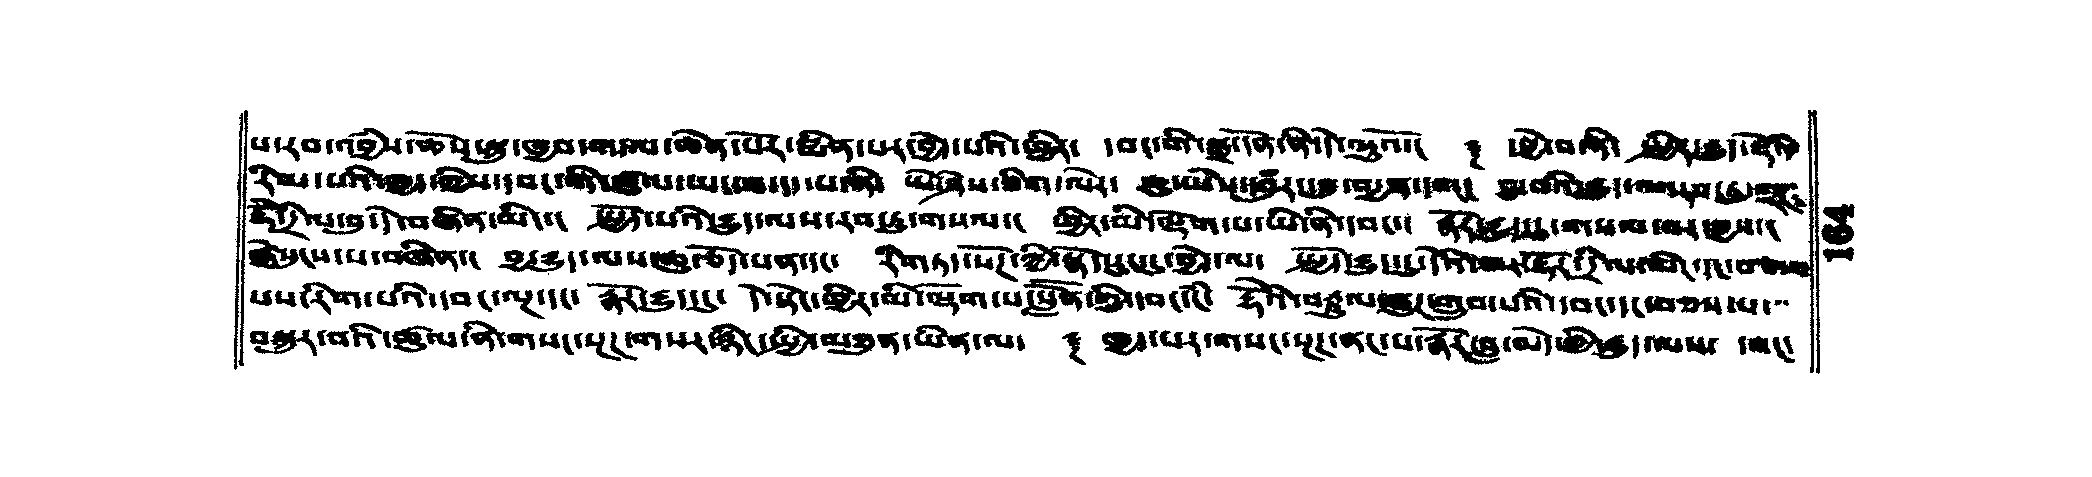པ་རབ་འབྱམས་ཆོས་སྐུ་ཁྱབ་གདལ་ཆེན་པོར་སྨིན་པར་བྱེད་པའི་ཕྱིར། དབང་གི་སྒྲ་དོན་ནི་དེ་ལྟ་བུའོ། དབྱེ་བ་ནི། སྤྱིར་རྒྱུད་སྡེའི་
རིམ་པའི་ཁྱད་ཀྱིས་དབང་གི་ཚུལ་ཡང་ཐ་དད་པ་ནི། ཡེ་ཤེས་ཐིག་ལེར། ཆུ་ཡིས་དབང་བསྐུར་དབུ་བརྒྱན་དབང་། །བྱ་བའི་རྒྱུད་ལ་རབ་ཏུ་གྲགས། །
རྡོ་རྗེ་དྲིལ་བུ་དེ་བཞིན་མིང་། །སྤྱོད་པའི་རྒྱུད་ལས་རབ་ཏུ་གསལ། །ཕྱིར་མི་ལྡོག་པ་ཡི་ནི་དབང་། །རྣལ་འབྱོར་རྒྱུད་དུ་གསལ་བར་བྱས། 
ཞེས་གསུངས་པ་བཞིན། བྱ་རྒྱུད་ལས་ཆུ་ཅོད་པན་དང་། རིག་གཏད་སོགས་ཀྱི་སྣོད་རུང་དུ་བྱེད་ལ། སྤྱོད་རྒྱུད་དུ་དེའི་ཁར་རྡོར་དྲིལ་མིང་དང་བཅས་
པས་རིག་པའི་དབང་ལྔ་དང་། རྣལ་འབྱོར་རྒྱུད་དུ། དེ་སྟེང་ཕྱིར་མི་ལྡོག་པ་སློབ་དཔོན་གྱི་དབང་ངམ། རྡོ་རྗེའི་བརྟུལ་ཞུགས་གྲུབ་པའི་དབང་དང་བཅས་པ་
བསྐུར་བའི་ཚུལ་ནི་གསང་སྔགས་གསར་རྙིང་སྤྱི་མཐུན་ཡིན་ལ། ཁྱད་པར་གསང་སྔགས་ནང་པ་རྣལ་འབྱོར་བླ་མེད་ཀྱི་རྒྱུད་ལས། དབང་